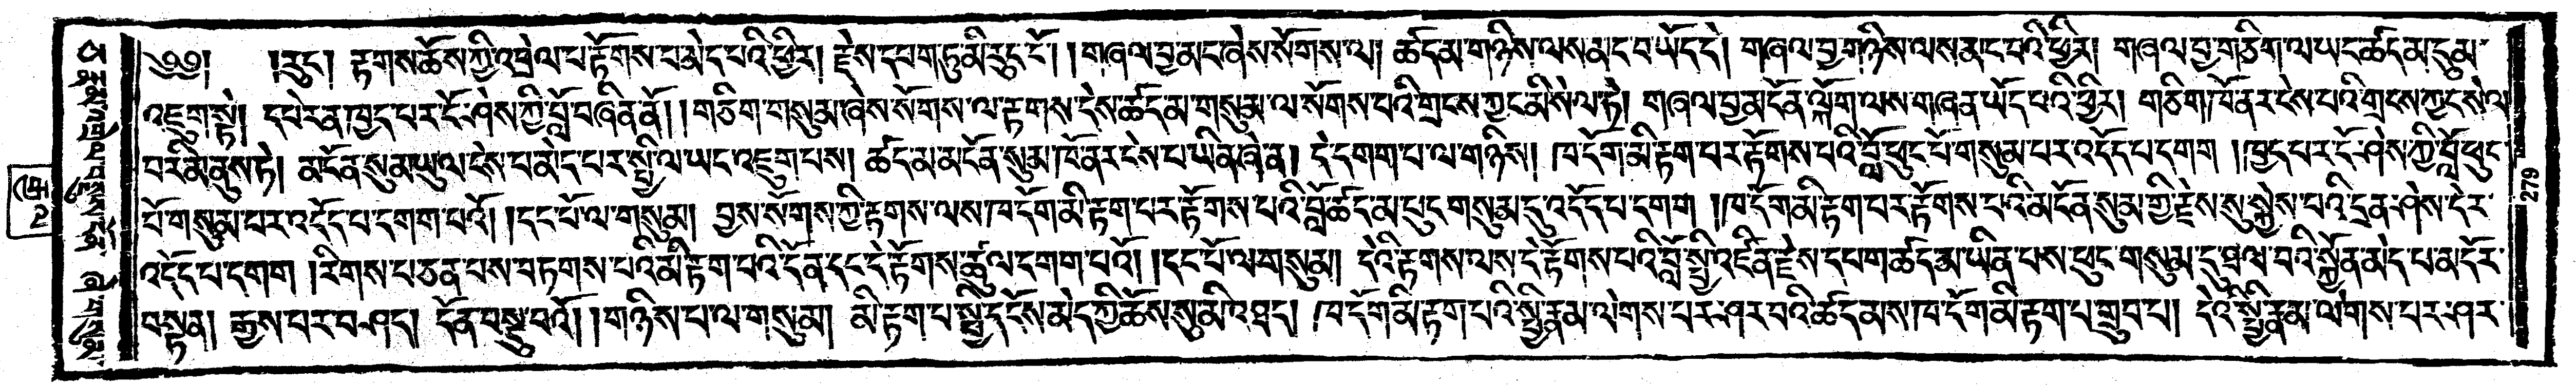༄༅། །རུང་། རྟགས་ཆོས་ཀྱི་འབྲེལ་པ་རྟོགས་པ་མེད་པའི་ཕྱིར། རྗེས་དཔག་ཏུ་མི་རུང་ངོ། །གཞལ་བྱ་མང་ཞེས་སོགས་ལ། ཚད་མ་གཉིས་ལས་མང་བ་ཡོད་དེ། གཞལ་བྱ་གཉིས་ལས་མང་བའི་ཕྱིར། གཞལ་བྱ་གཅིག་ལ་ཡང་ཚད་མ་དུམ་
འཇུག་སྟེ། དཔེར་ན་ཁྱད་པར་ངོ་ཤེས་ཀྱི་བློ་བཞིན་ནོ། །གཅིག་གསུམ་ཞེས་སོགས་ལ་རྟགས་དེས་ཚད་མ་གསུམ་ལ་སོགས་པའི་གྲངས་ཀྱང་མི་སེལ་ཏེ། གཞལ་བྱ་མངོན་ལྐོག་ལས་གཞན་ཡོད་པའི་ཕྱིར། གཅིག་ཁོ་ནར་ངེས་པའི་གྲངས་ཀྱང་སེལ་
བར་མི་ནུས་ཏེ། མངོན་སུམ་ཡུལ་ངེས་པ་མེད་པར་སྤྱི་ལ་ཡང་འཇུག་པས། ཚད་མ་མངོན་སུམ་ཁོ་ནར་ངེས་པ་ཡིན་ཞེ་ན། དེ་དགག་པ་ལ་གཉིས། ཁ་དོག་མི་རྟག་པར་རྟོགས་པའི་བློ་ཕུང་པོ་གསུམ་པར་འདོད་པ་དགག །ཁྱད་པར་ངོ་ཤེས་ཀྱི་བློ་ཕུང་
པོ་གསུམ་པར་འདོད་པ་དགག་པའོ། །དང་པོ་ལ་གསུམ། བྱས་སོགས་ཀྱི་རྟགས་ལས་ཁ་དོག་མི་རྟག་པར་རྟོགས་པའི་བློ་ཚད་མ་ཕུང་གསུམ་དུ་འདོད་པ་དགག །ཁ་དོག་མི་རྟག་པར་རྟོགས་པའི་མངོན་སུམ་གྱི་རྗེས་སུ་སྐྱེས་པའི་དྲན་ཤེས་དེར་
འདོད་པ་དགག །རིགས་པ་ཅན་པས་བཏགས་པའི་མི་རྟག་པའི་དོན་དང་དེ་རྟོགས་ཚུལ་དགག་པའོ། །དང་པོ་ལ་གསུམ། དེའི་རྟགས་ལས་དེ་རྟོགས་པའི་བློ་སྤྱི་འཛིན་རྗེས་དཔག་ཚད་མ་ཡིན་པས་ཕུང་གསུམ་དུ་ཐལ་བའི་སྐྱོན་མེད་པ་མདོར་
བསྟན། རྒྱས་པར་བཤད། དོན་བསྡུ་བའོ། །གཉིས་པ་ལ་གསུམ། མི་རྟག་པ་སྤྱི་དངོས་མེད་ཀྱི་ཆོས་སུ་མི་འཐད། ཁ་དོག་མི་རྟག་པའི་སྤྱི་རྣམ་ལེགས་པར་ཤར་བའི་ཚད་མས་ཁ་དོག་མི་རྟག་པ་གྲུབ་པ། དེའི་སྤྱི་རྣམ་ལེགས་པར་ཤར་